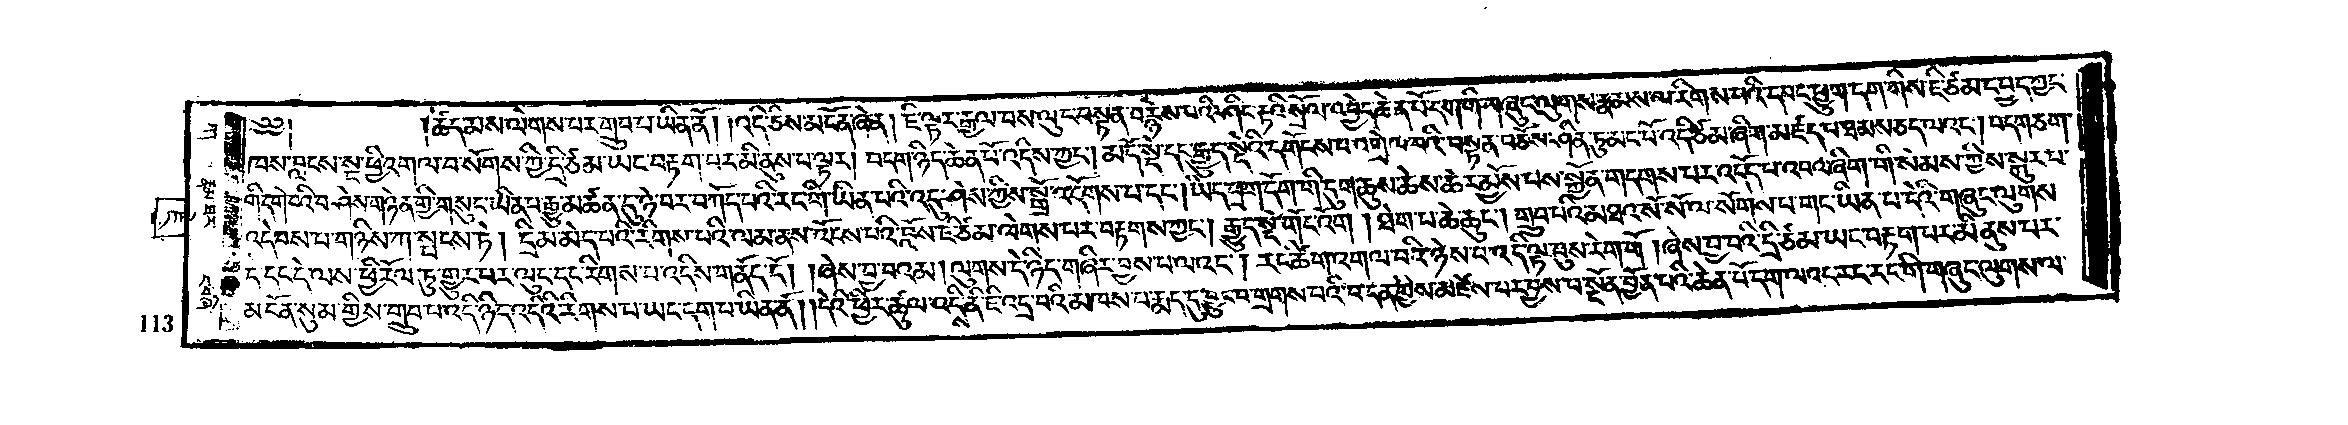༄༅། །ཚད་མས་ལེགས་པར་གྲུབ་པ་ཡིན་ནོ། །འདི་ཅིས་མངོན་ཞེ་ན། ཇི་ལྟར་རྒྱལ་བས་ལུང་བསྟན་བརྙེས་པའི་ཤིང་རྟའི་སྲོལ་འབྱེད་ཆེན་པོ་དག་གི་གཞུང་ལུགས་རྣམས་ལ་རིགས་པའི་དབང་ཕྱུག་དག་གིས་ཇི་ཙམ་དཔྱད་ཀྱང་
ཁས་བླངས་སྔ་ཕྱི་འགལ་བ་སོགས་ཀྱི་དྲི་ཙམ་ཡང་བརྟག་པར་མི་ནུས་པ་ལྟར། བདག་ཉིད་ཆེན་པོ་འདིས་ཀྱང་། མདོ་སྡེ་དང་རྒྱུད་སྡེའི་དགོངས་པ་འགྲེལ་བའི་བསྟན་བཅོས་ཤིན་ཏུ་མང་པོ་འདི་ཙམ་ཞིག་མཛད་པ་ཐམས་ཅད་ལའང་། བདག་ཅག་
གི་དགེ་བའི་བཤེས་གཉེན་གྱི་གསུང་ཡིན་པ་རྒྱུ་མཚན་དུ་ཉེ་བར་བཀོད་པའི་རང་གི་ཡིན་པའི་འདུ་ཤེས་ཀྱིས་སྒྲོ་འདོགས་པ་དང་། ཡིད་ཕྲག་དོག་གི་དུག་ཆུས་ཆེས་ཆེར་མྱོས་པས་སྐྱོན་གདགས་པར་འདོད་པ་འབའ་ཞིག་གི་སེམས་ཀྱིས་སྐུར་པ་
འདེབས་པ་གཉིས་ཀ་སྤངས་ཏེ། དྲི་མ་མེད་པའི་རིགས་པའི་ལམ་ནས་འོངས་པའི་བློས་ཇི་ཙམ་ལེགས་པར་བརྟགས་ཀྱང་། རྒྱུད་སྡེ་གོང་འོག །ཐེག་པ་ཆེ་ཆུང་། གྲུབ་པའི་མཐའ་སོ་སོ་ལ་སོགས་པ་གང་ཡིན་པ་དེའི་གཞུང་ལུགས་
དེ་དང་དེ་ལས་ཕྱི་རོལ་ཏུ་གྱུར་པར་ལུང་དང་རིགས་པ་འདིས་གནོད་དོ། །ཞེས་བྱ་བའམ། ལུགས་དེ་ཉིད་གཞིར་བྱས་པ་ལའང་། རང་ཚིག་འགལ་བའི་ཉེས་པ་འདི་ལྟ་བུས་རེག་གོ །ཞེས་བྱ་བའི་དྲི་ཙམ་ཡང་བརྟག་པར་མི་ནུས་པར་
མངོན་སུམ་གྱིས་གྲུབ་པ་འདི་ཉིད་འདིའི་རིགས་པ་ཡང་དག་པ་ཡིན་ནོ། །དེའི་ཕྱིར་ཚུལ་འདིས་ནི་ཇི་འདྲ་བའི་མཁས་པ་རྨད་དུ་བྱུང་བ་གྲགས་པའི་བ་དན་གྱིས་མཛེས་པར་བྱས་པ་སྔོན་བྱོན་པའི་ཆེན་པོ་དག་ལའང་རང་རང་གི་གཞུང་ལུགས་ལ་